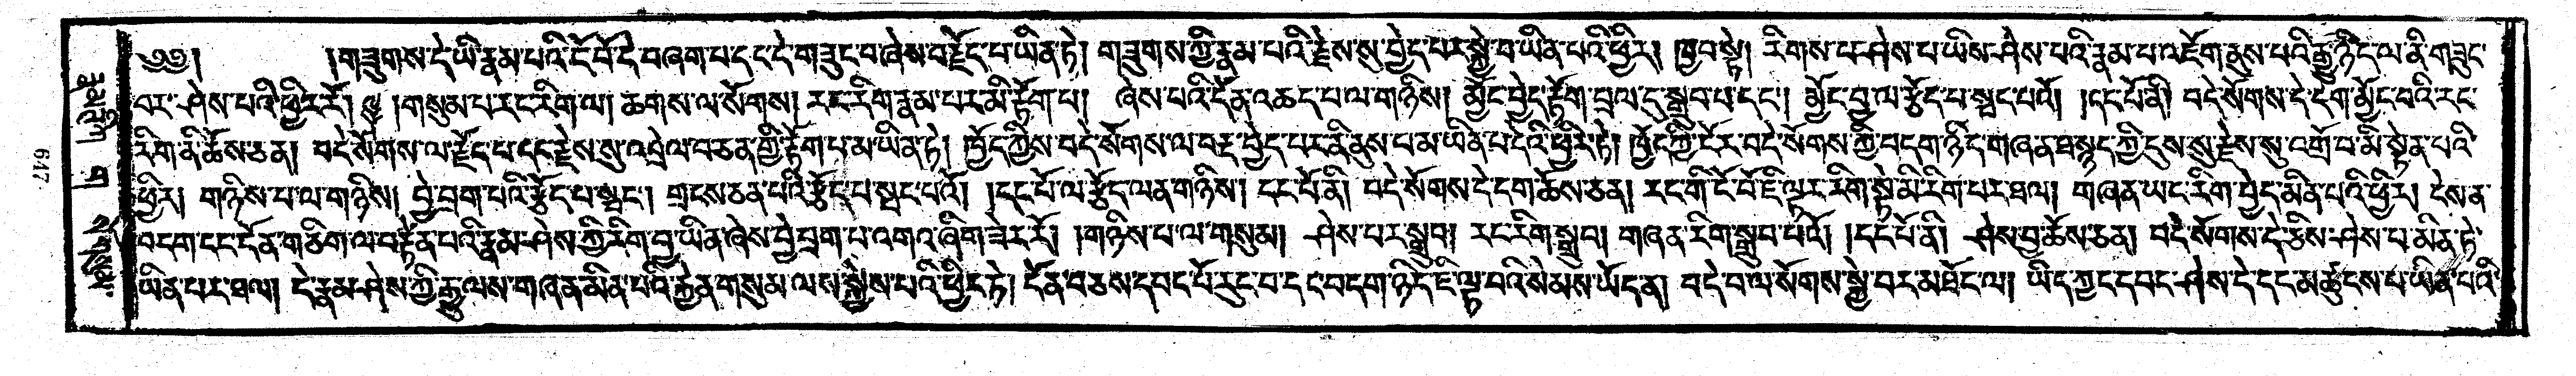༄༅། །གཟུགས་དེ་ཡི་རྣམ་པའི་ངོ་བོ་དེ་བཞག་པ་དང་དེ་གཟུང་བ་ཞེས་བརྗོད་པ་ཡིན་ཏེ། གཟུགས་ཀྱི་རྣམ་པའི་རྗེས་སུ་བྱེད་པར་སྐྱེ་བ་ཡིན་པའི་ཕྱིར། ཁྱབ་སྟེ། རིགས་པ་ཤེས་པ་ཡིས་ཤེས་པའི་རྣམ་པ་འཇོག་ནུས་པའི་རྒྱུ་ཉིད་ལ་ནི་གཟུང་
བར་ཤེས་པའི་ཕྱིར་རོ། ༈ །གསུམ་པ་རང་རིག་ལ། ཆགས་ལ་སོགས། རང་རིག་རྣམ་པར་མི་རྟོག་པ། ཞེས་པའི་དོན་འཆད་བ་ལ་གཉིས། མྱོང་བྱེད་རྟོག་བྲལ་དུ་སྒྲུབ་པ་དང་། མྱོང་བྱ་ལ་རྩོད་པ་སྦང་བའོ། །དང་པོ་ནི། བདེ་སོགས་དེ་དག་མྱོང་བའི་རང་
རིག་ནི་ཆོས་ཅན། བདེ་སོགས་ལ་རྗོད་པ་དང་རྗེས་སུ་འབྲེལ་བ་ཅན་གྱི་རྟོག་པ་མ་ཡིན་ཏེ། ཁྱོད་ཀྱིས་བདེ་སོགས་ལ་བརྡ་བྱེད་པར་ནི་ནུས་པ་མ་ཡིན་པ་དེའི་ཕྱིར་ཏེ། ཁྱོད་ཀྱི་ངོར་བདེ་སོགས་ཀྱི་བདག་ཉིད་གཞན་ཐ་སྙད་ཀྱི་དུས་སུ་རྗེས་སུ་འགྲོ་བ་མི་སྟེན་པའི་
ཕྱིར། གཉིས་པ་ལ་གཉིས། བྱེ་བྲག་པའི་རྩོད་པ་སྦང་། གྲངས་ཅན་པའི་རྩོད་པ་སྦང་པའོ། །དང་པོ་ལ་རྩོད་ལན་གཉིས། དང་པོ་ནི། བདེ་སོགས་དེ་དག་ཆོས་ཅན། རང་གི་ངོ་བོ་ཇི་ལྟར་རིག་སྟེ་མི་རིག་པར་ཐལ། གཞན་ཡང་རིག་བྱེད་མིན་པའི་ཕྱིར། ངེས་ན་
བདག་དང་དོན་གཅིག་ལ་བརྟེན་པའི་རྣམ་ཤེས་ཀྱི་རིག་བྱ་ཡིན་ཞེས་བྱེ་བྲག་པ་འགའ་ཞིག་ཟེར་རོ། །གཉིས་པ་ལ་གསུམ། ཤེས་པར་སྒྲུབ། རང་རིག་སྒྲུབ། གཞན་རིག་སྒྲུབ་པའོ། །དང་པོ་ནི། ཤེས་བྱ་ཆོས་ཅན། བདེ་སོགས་དེ་ཅིས་ཤེས་པ་མིན་ཏེ་
ཡིན་པར་ཐལ། དེ་རྣམ་ཤེས་ཀྱི་རྒྱུ་ལས་གཞན་མིན་པའི་རྐྱེན་གསུམ་ལས་སྐྱེས་པའི་ཕྱིར་ཏེ། དོན་བཅས་དབང་པོ་རུང་བ་དང་བདག་ཉིད་ཇི་ལྟ་བའི་སེམས་ཡོད་ན། བདེ་བ་ལ་སོགས་སྐྱེ་བར་མཐོང་ལ། ཡིད་ཀྱང་དབང་ཤེས་དེ་དང་མཚུངས་པ་ཡིན་པའི་